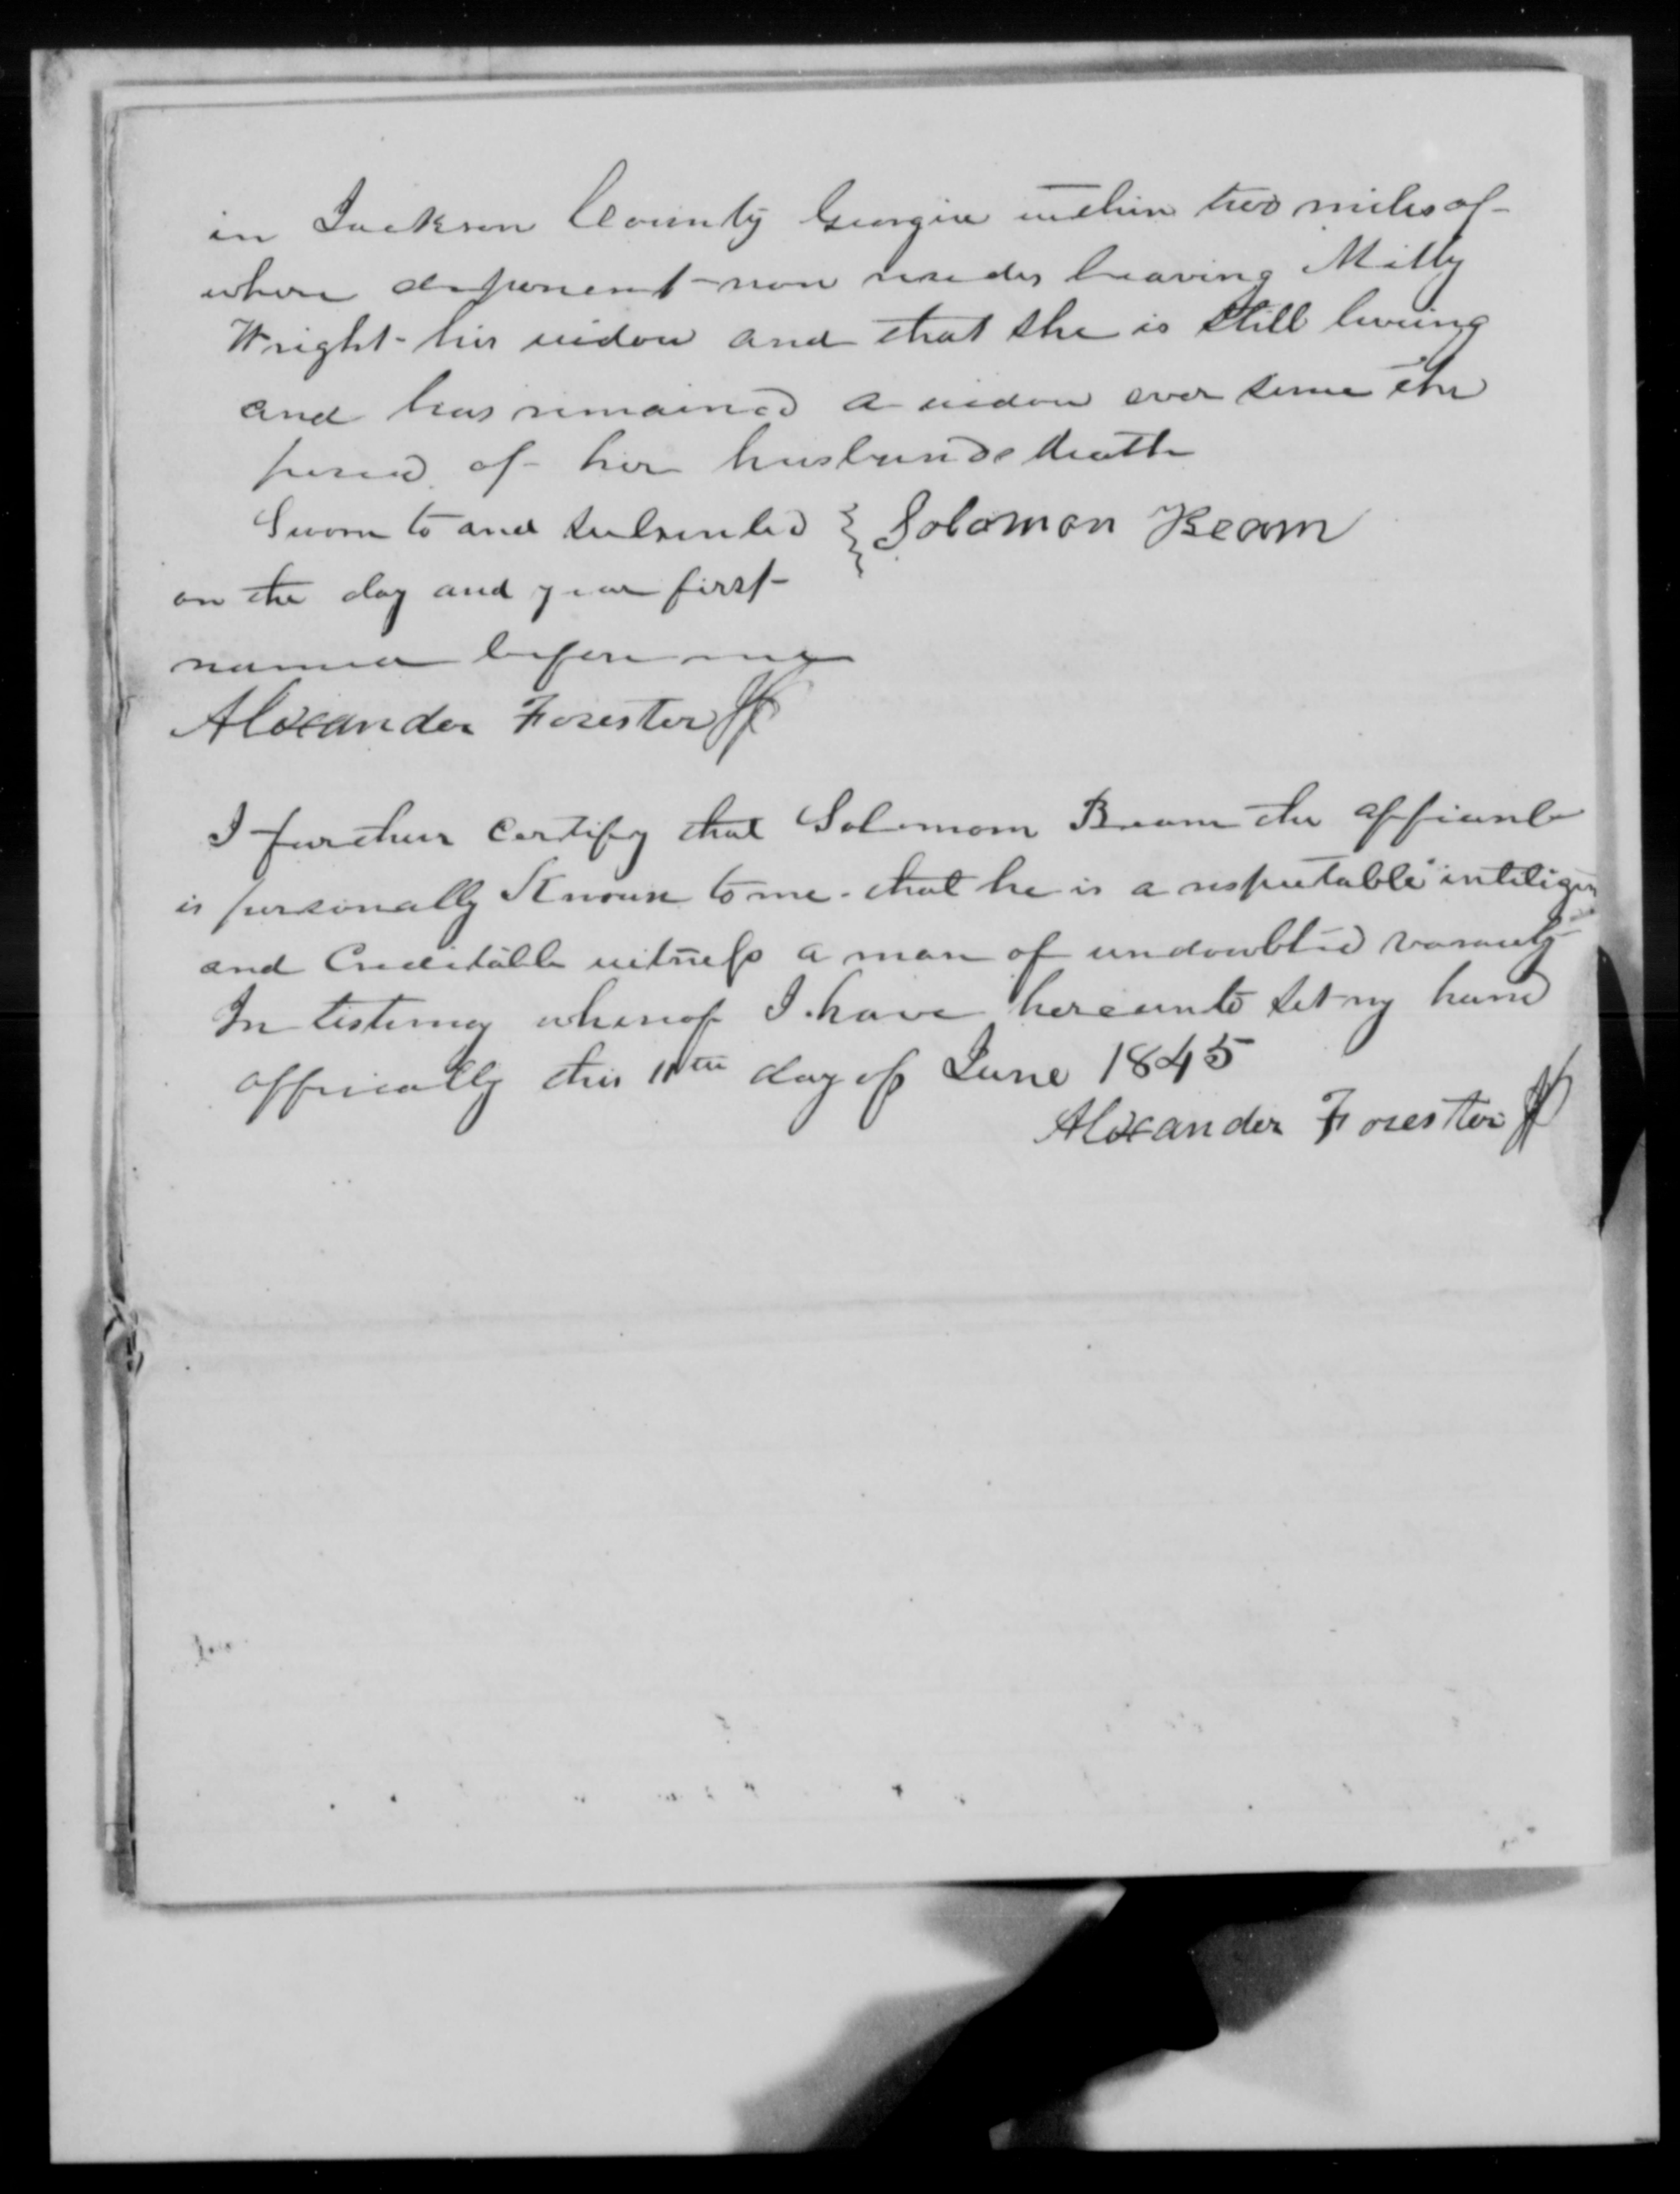in Jackson County Georgia within two miles of where deponent now resides leaving Milly Wright his widow and that she is still living and has remained a widow ever since the period of her husbands death
Sworn to and and subscribed on the day and year first named before me 
Alexander Forester JP
Solomon Beam

I further certify that Solomon Beam the affiant is personally Known to me that he is a respectable intelligent and credible witness a man of undoubted veracity
In testimony whereof I have hereunto set my hand officially this 11th day of June 1845
Alexander Forester JP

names: Alexander Forester, Milly Wright, Solomon Beam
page: 73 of 81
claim: widow's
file: W. 5183, Bolling Wright, Va.